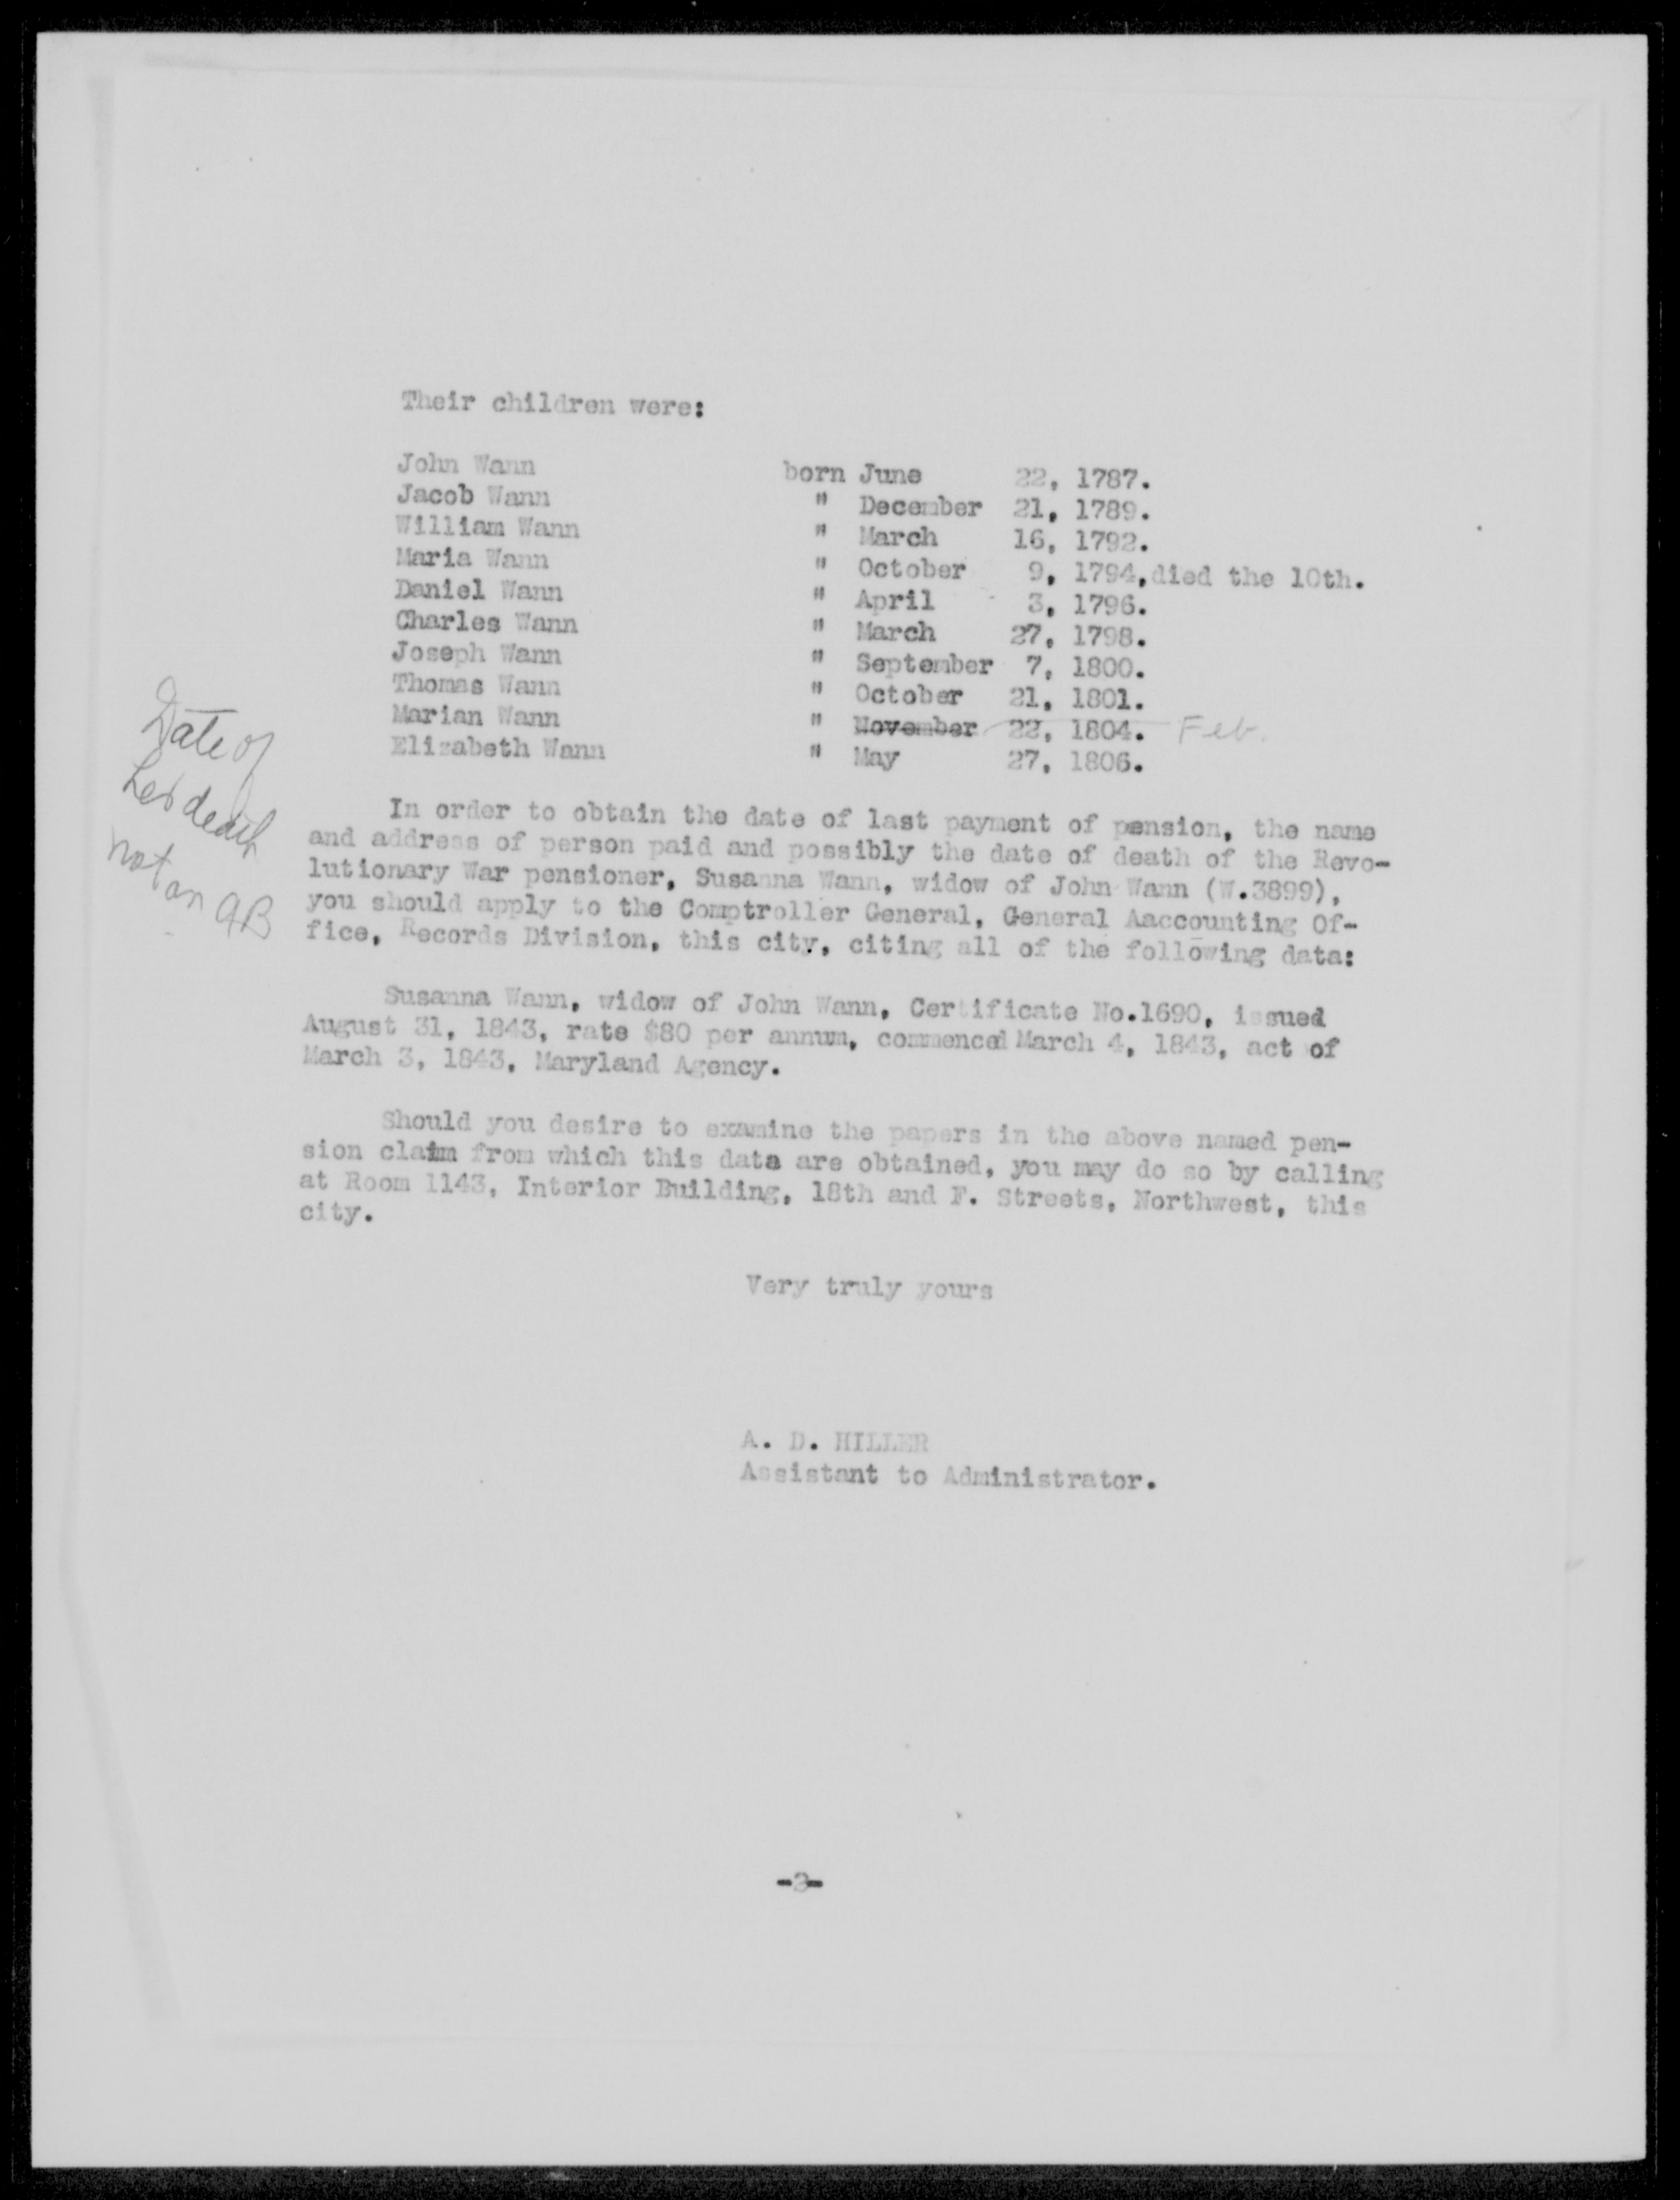Their children were:
                     
John Wann       born June 22,1787.
Jacob Wann        "    December 21,1789.
William Wann     "    March 16, 1792.
Maria Wann        "    October 9, 1794. Died the 
                                 10th.
Daniel Wann       "     April 3, 1796.
Charles Wann     "     March 27, 1798
Joseph Wann      "     September 7, 1800.
Thomas Wann    "     October 21, 1801.           
Marian Wann      "    *November 22, 1804.**Feb Elizabeth Wann   "     May 27, 1806.

      In order to obtain the date of last payment of pension, the name and address of person paid and possibly the date of death of Revolutionary War pensioner, Susanna Wann, widow of John Wann (W.3899), you should apply to the Comptroller General, General Accounting Office, Records Division, this city, citing all of the following data:

     Susanna Wann, widow of John Wann, Certificate No. 1690, issued August 31, 1843, rate $80 per annum, commenced March 4, 1843, act of March 3, 1843, Maryland Agency.

     Should you desire to examine the papers in the above named pension claim from which this data are obtained, you may do so by calling at Room 1143, Interior Building, 18th and F. Streets, Northwest, this city.

                            Very truly yours    

                             A. D. Hiller        
                             Assistant to Administrator.   



                                  -3-


* Strikethrough the word November in the original document
** Feb was added

Note: On the left side of the original document  words in cursive was added that reads "Date of her death not an AB"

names: John Wann, Elizabeth Wann, Susanna Wann, Maria Wann, John Wann, John Wann, Susanna Wann, Marian Wann, Daniel Wann, A D Hiller, Charles Wann, William Wann, Joseph Wann, Jacob Wann, Thomas Wann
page: 17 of 38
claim: widow's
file: W. 3899, John Wann, Penn.